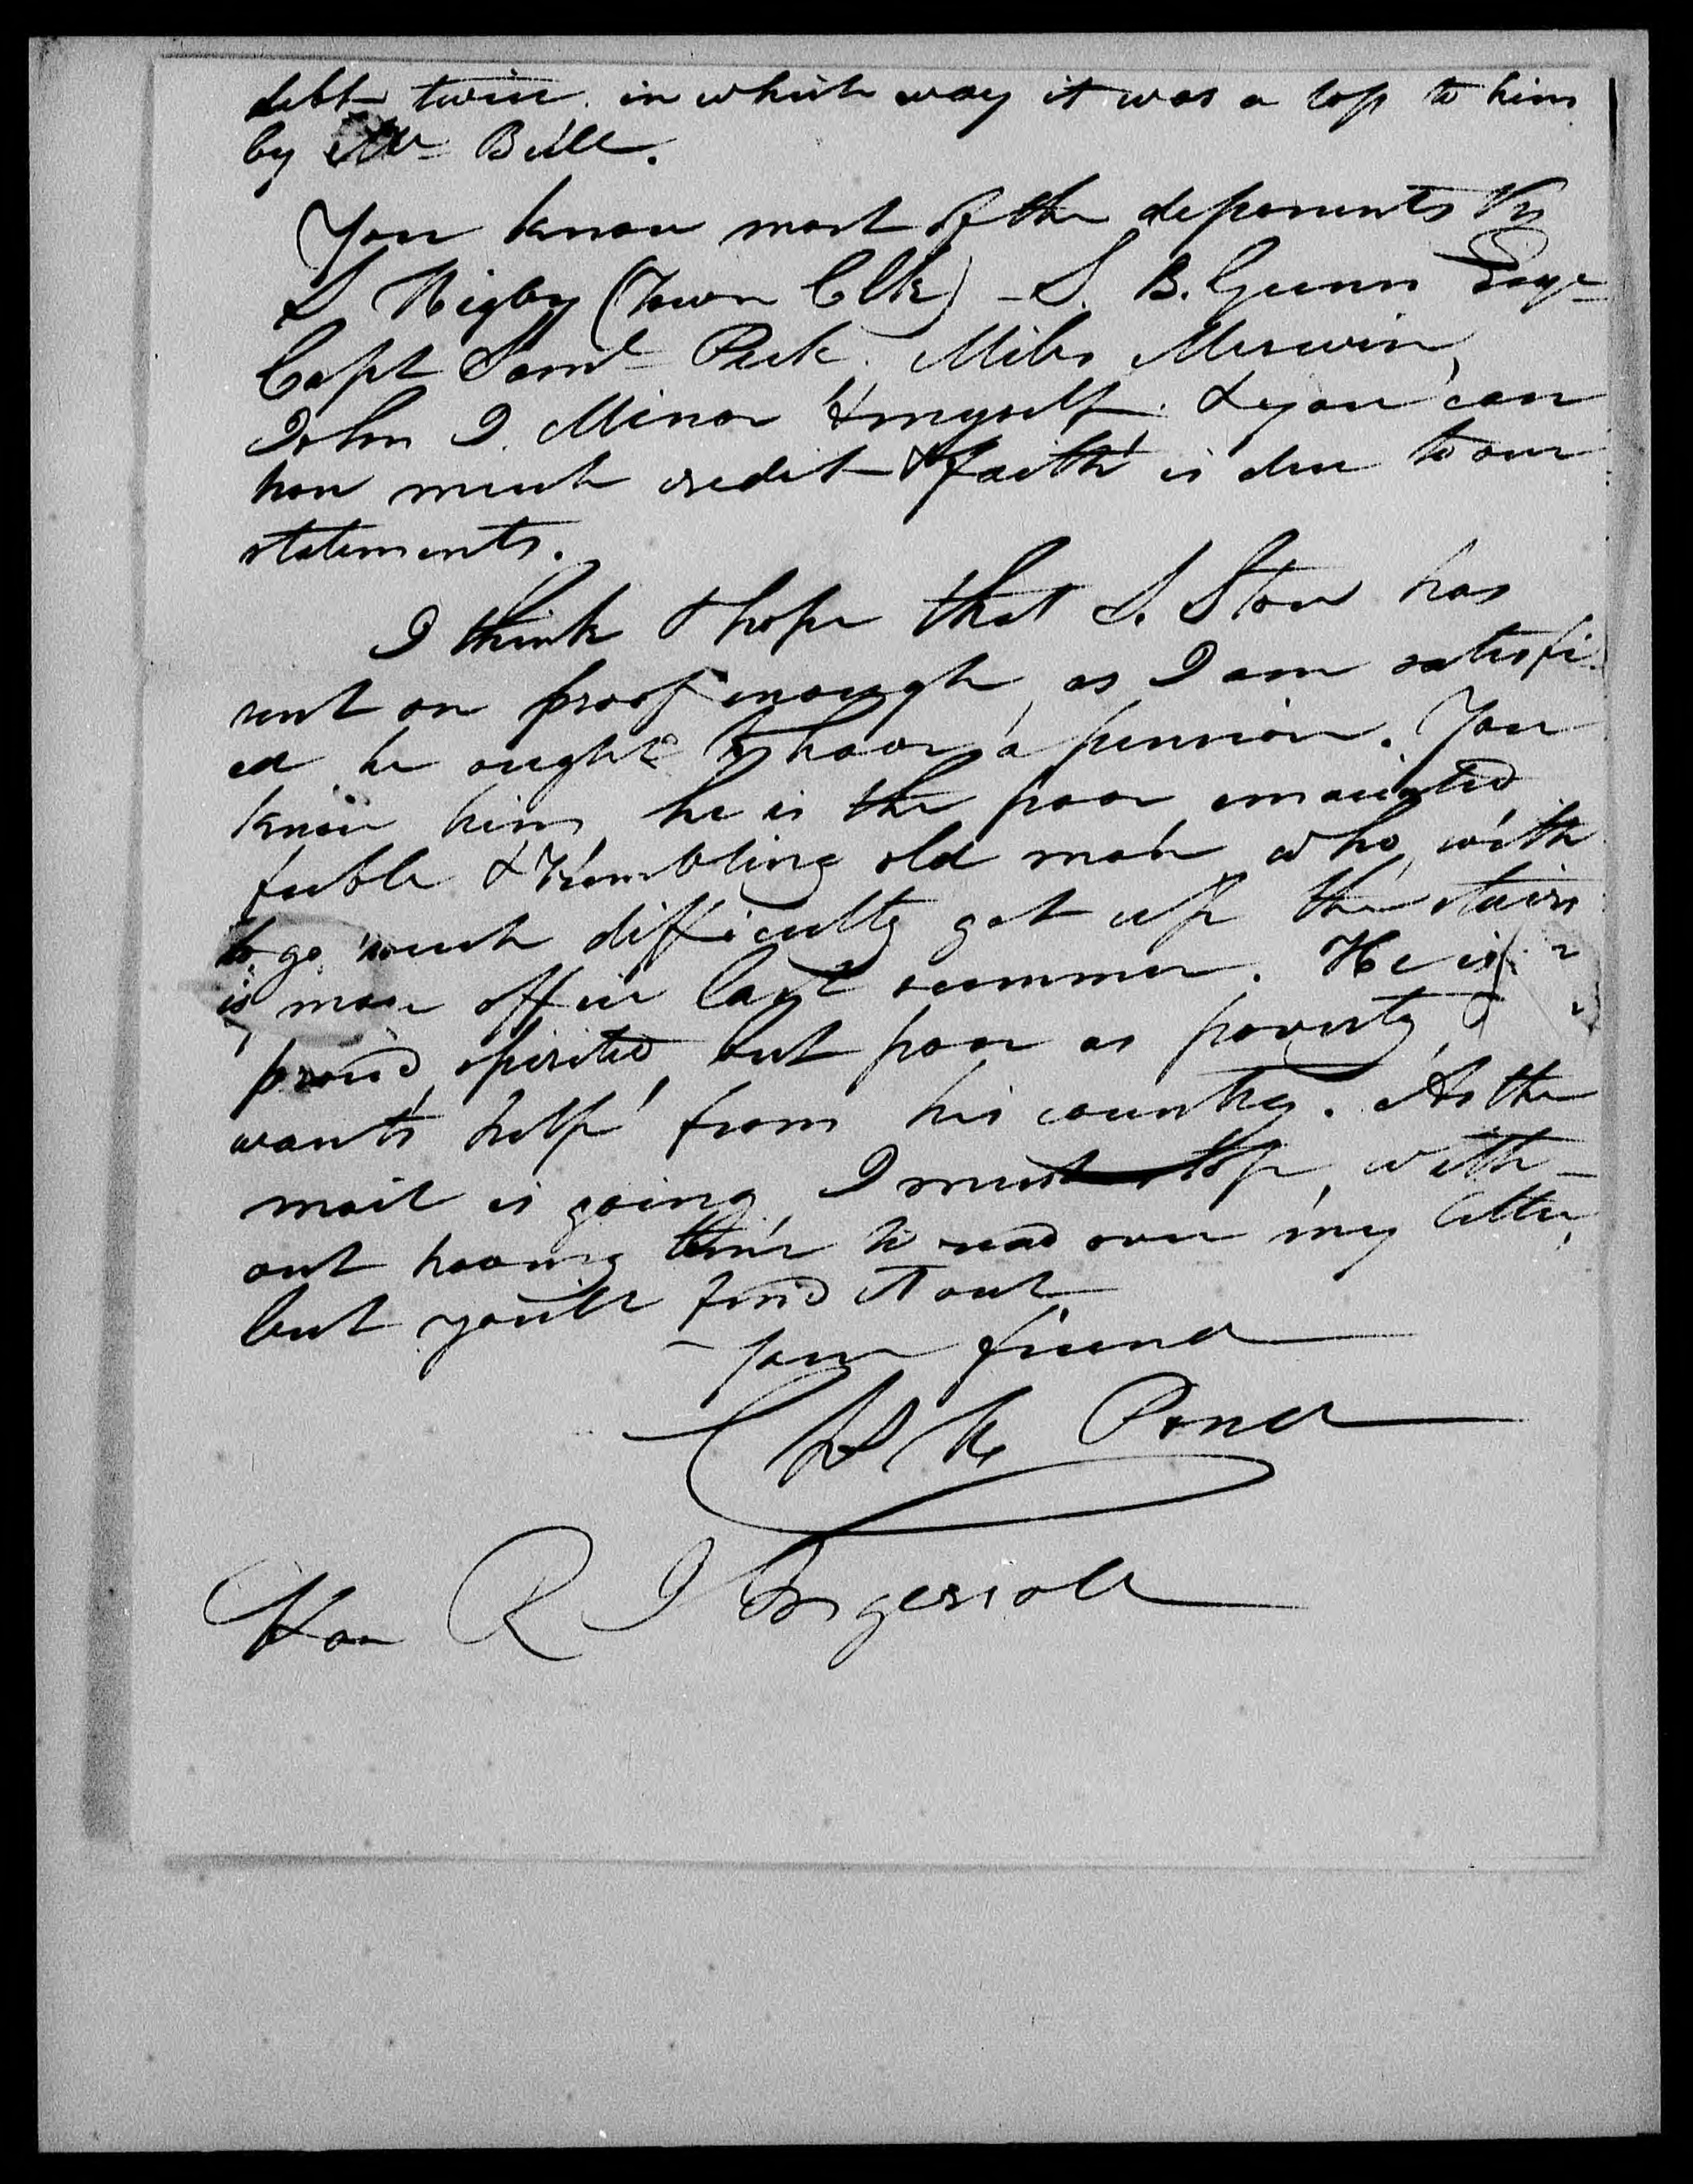debt twice in which way it was a loss to him
by Mr. Bull.
You know most of the deponents, viz.: S. Higby (Town Clk), S.B. Gunn, Esq., Capt Sam'l Peck,
Miles Merwin, John I Minor & myself & you can know how much credit & faith is due to our statements.
I think & hope that S. Stow has sent on 
proof enough, as I am satisfied he ought to have a pension.  You know him, he is the poor emaciated, feeble & trembling old man who with such difficulty got up the stairs to my
office last summer. He is proud-spirited, but poor as poverty & wants help from his county. As the mail is going, I must stop, without having time to read over my letter, but you'll find it out.
Your friend,

Chas N. Pond

Hon. R.I. Ingersoll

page: 18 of 42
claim: survivor's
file: S. 36,819, for Samuel Stow, Connecticut